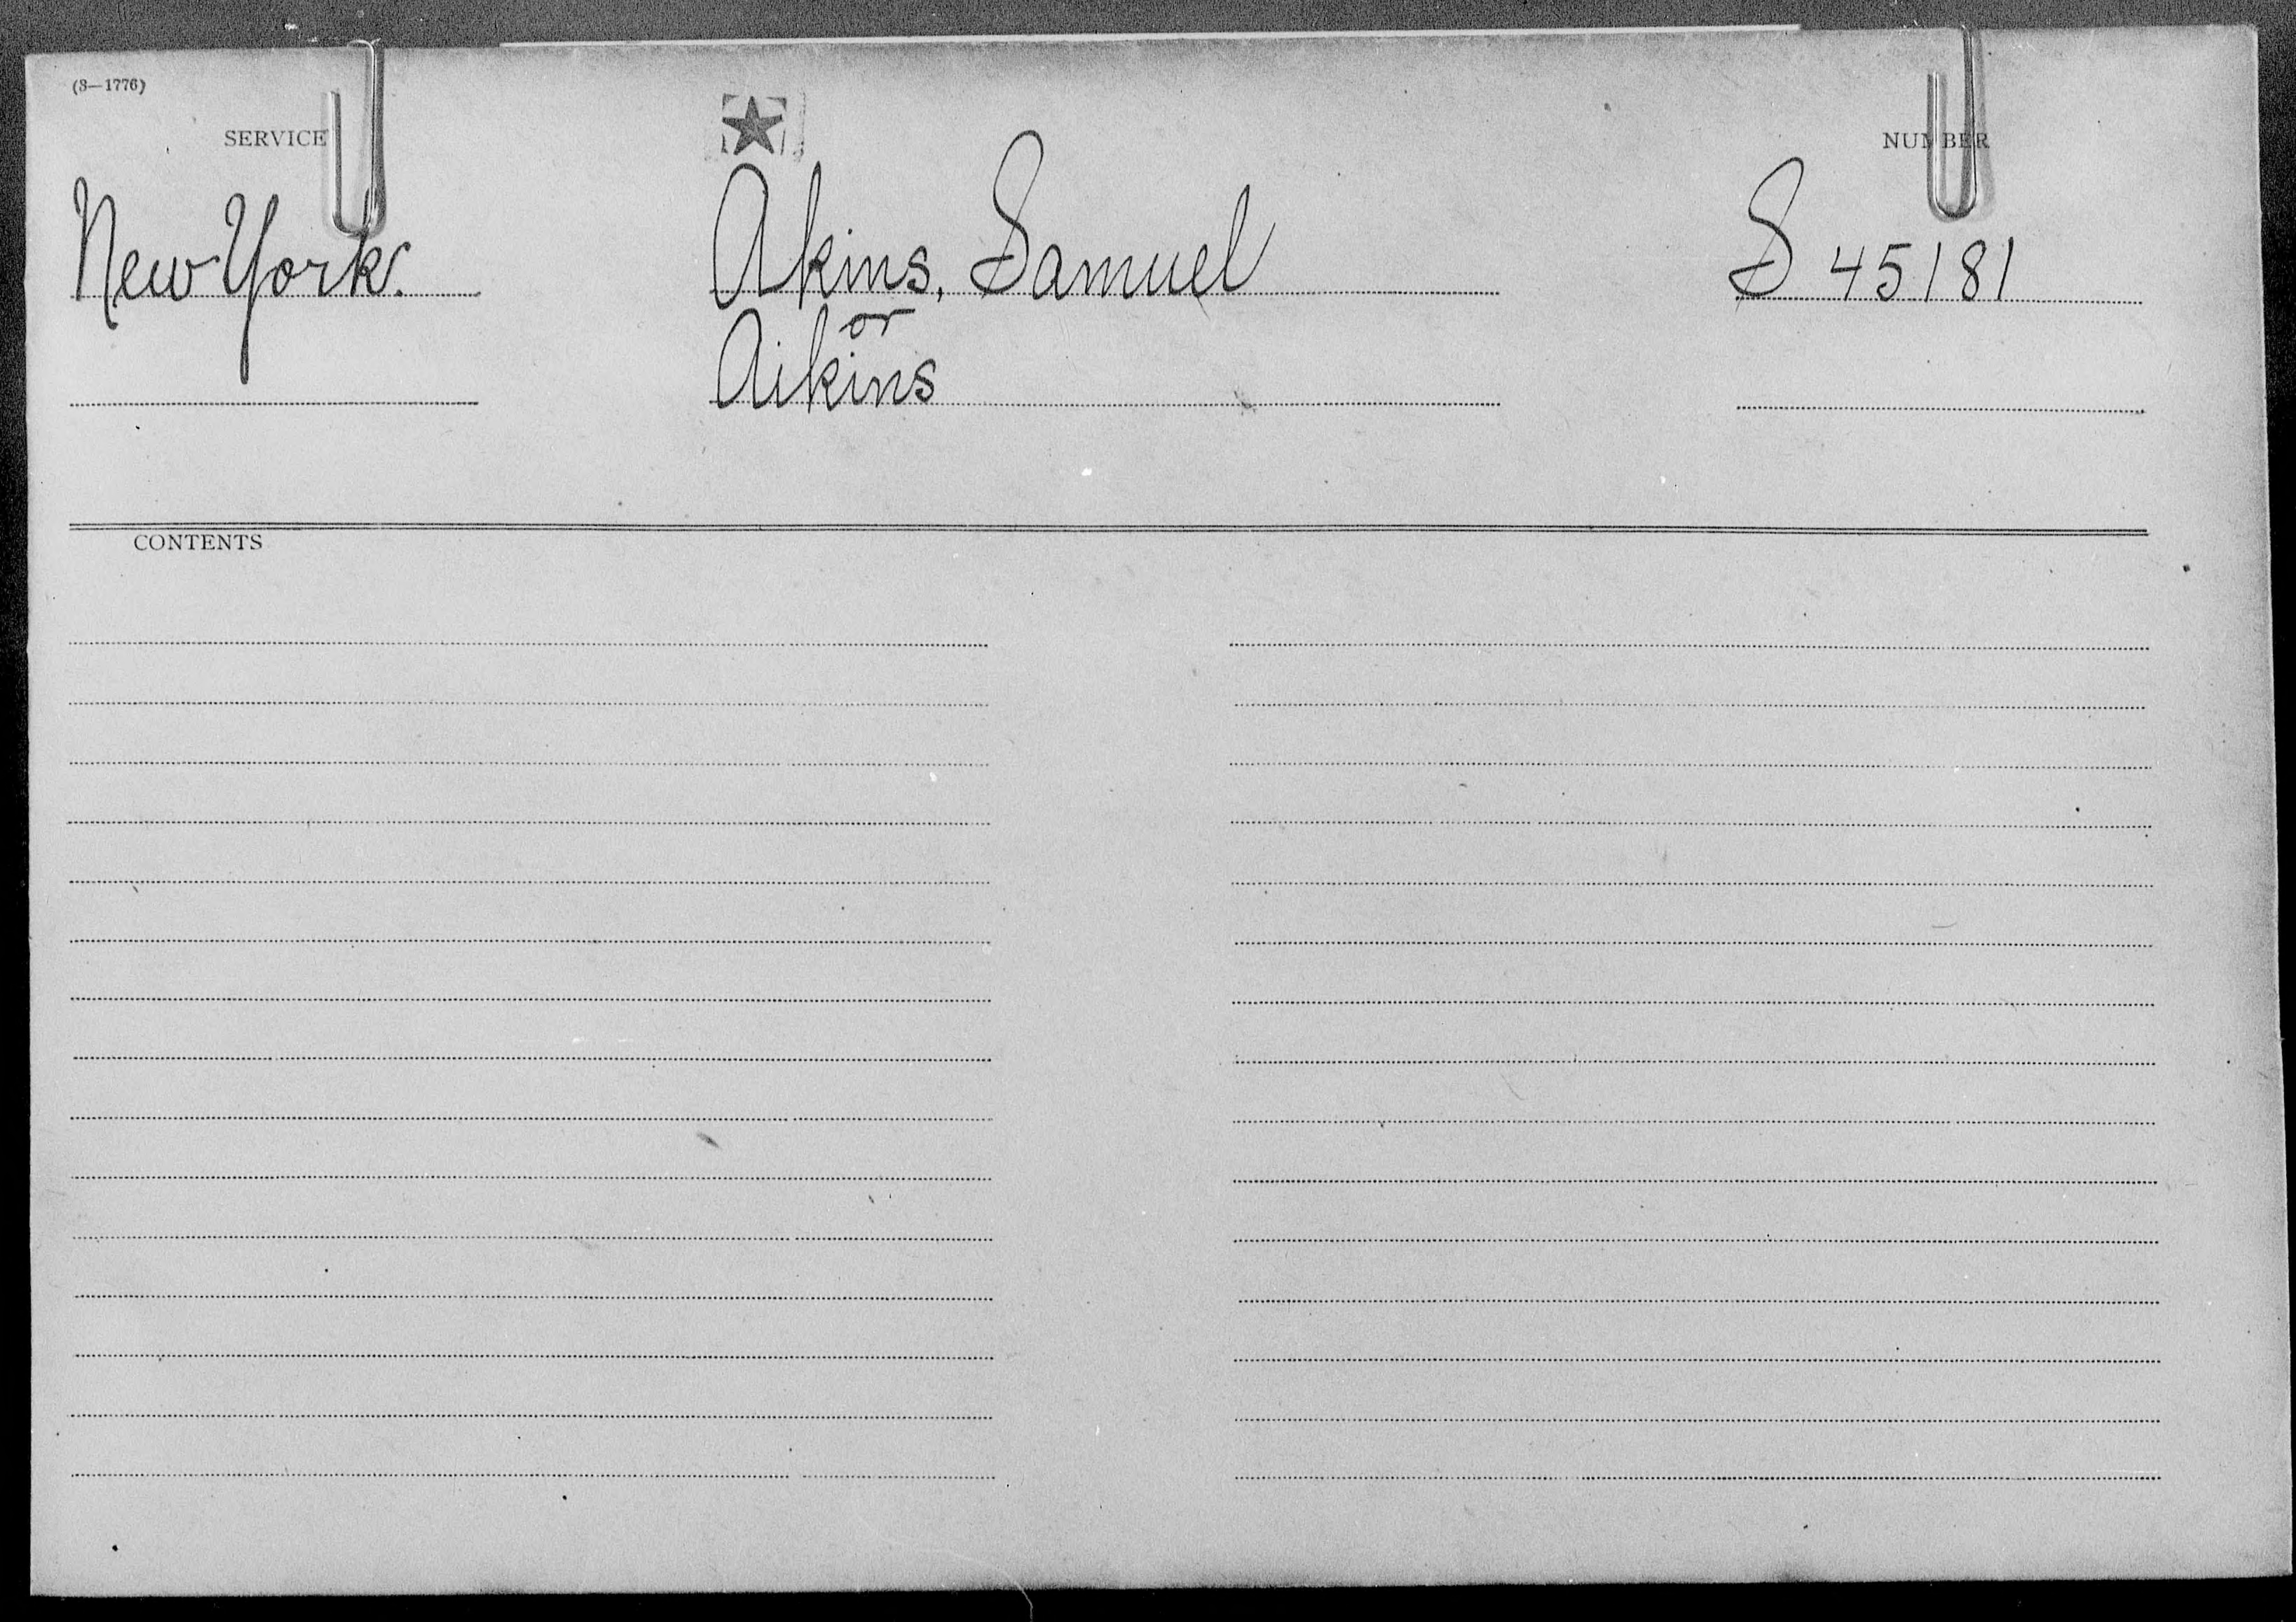(3 - 1776)
SERVICE [black star stamp]
NUMBER
[handwritten] New York. 
Akins, Samuel or 
Aikins
S 45181  [end handwritten]
--
CONTENTS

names: Samuel Aikins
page: 1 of 9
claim: survivor's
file: S. 45181, Samuel Akins, New York